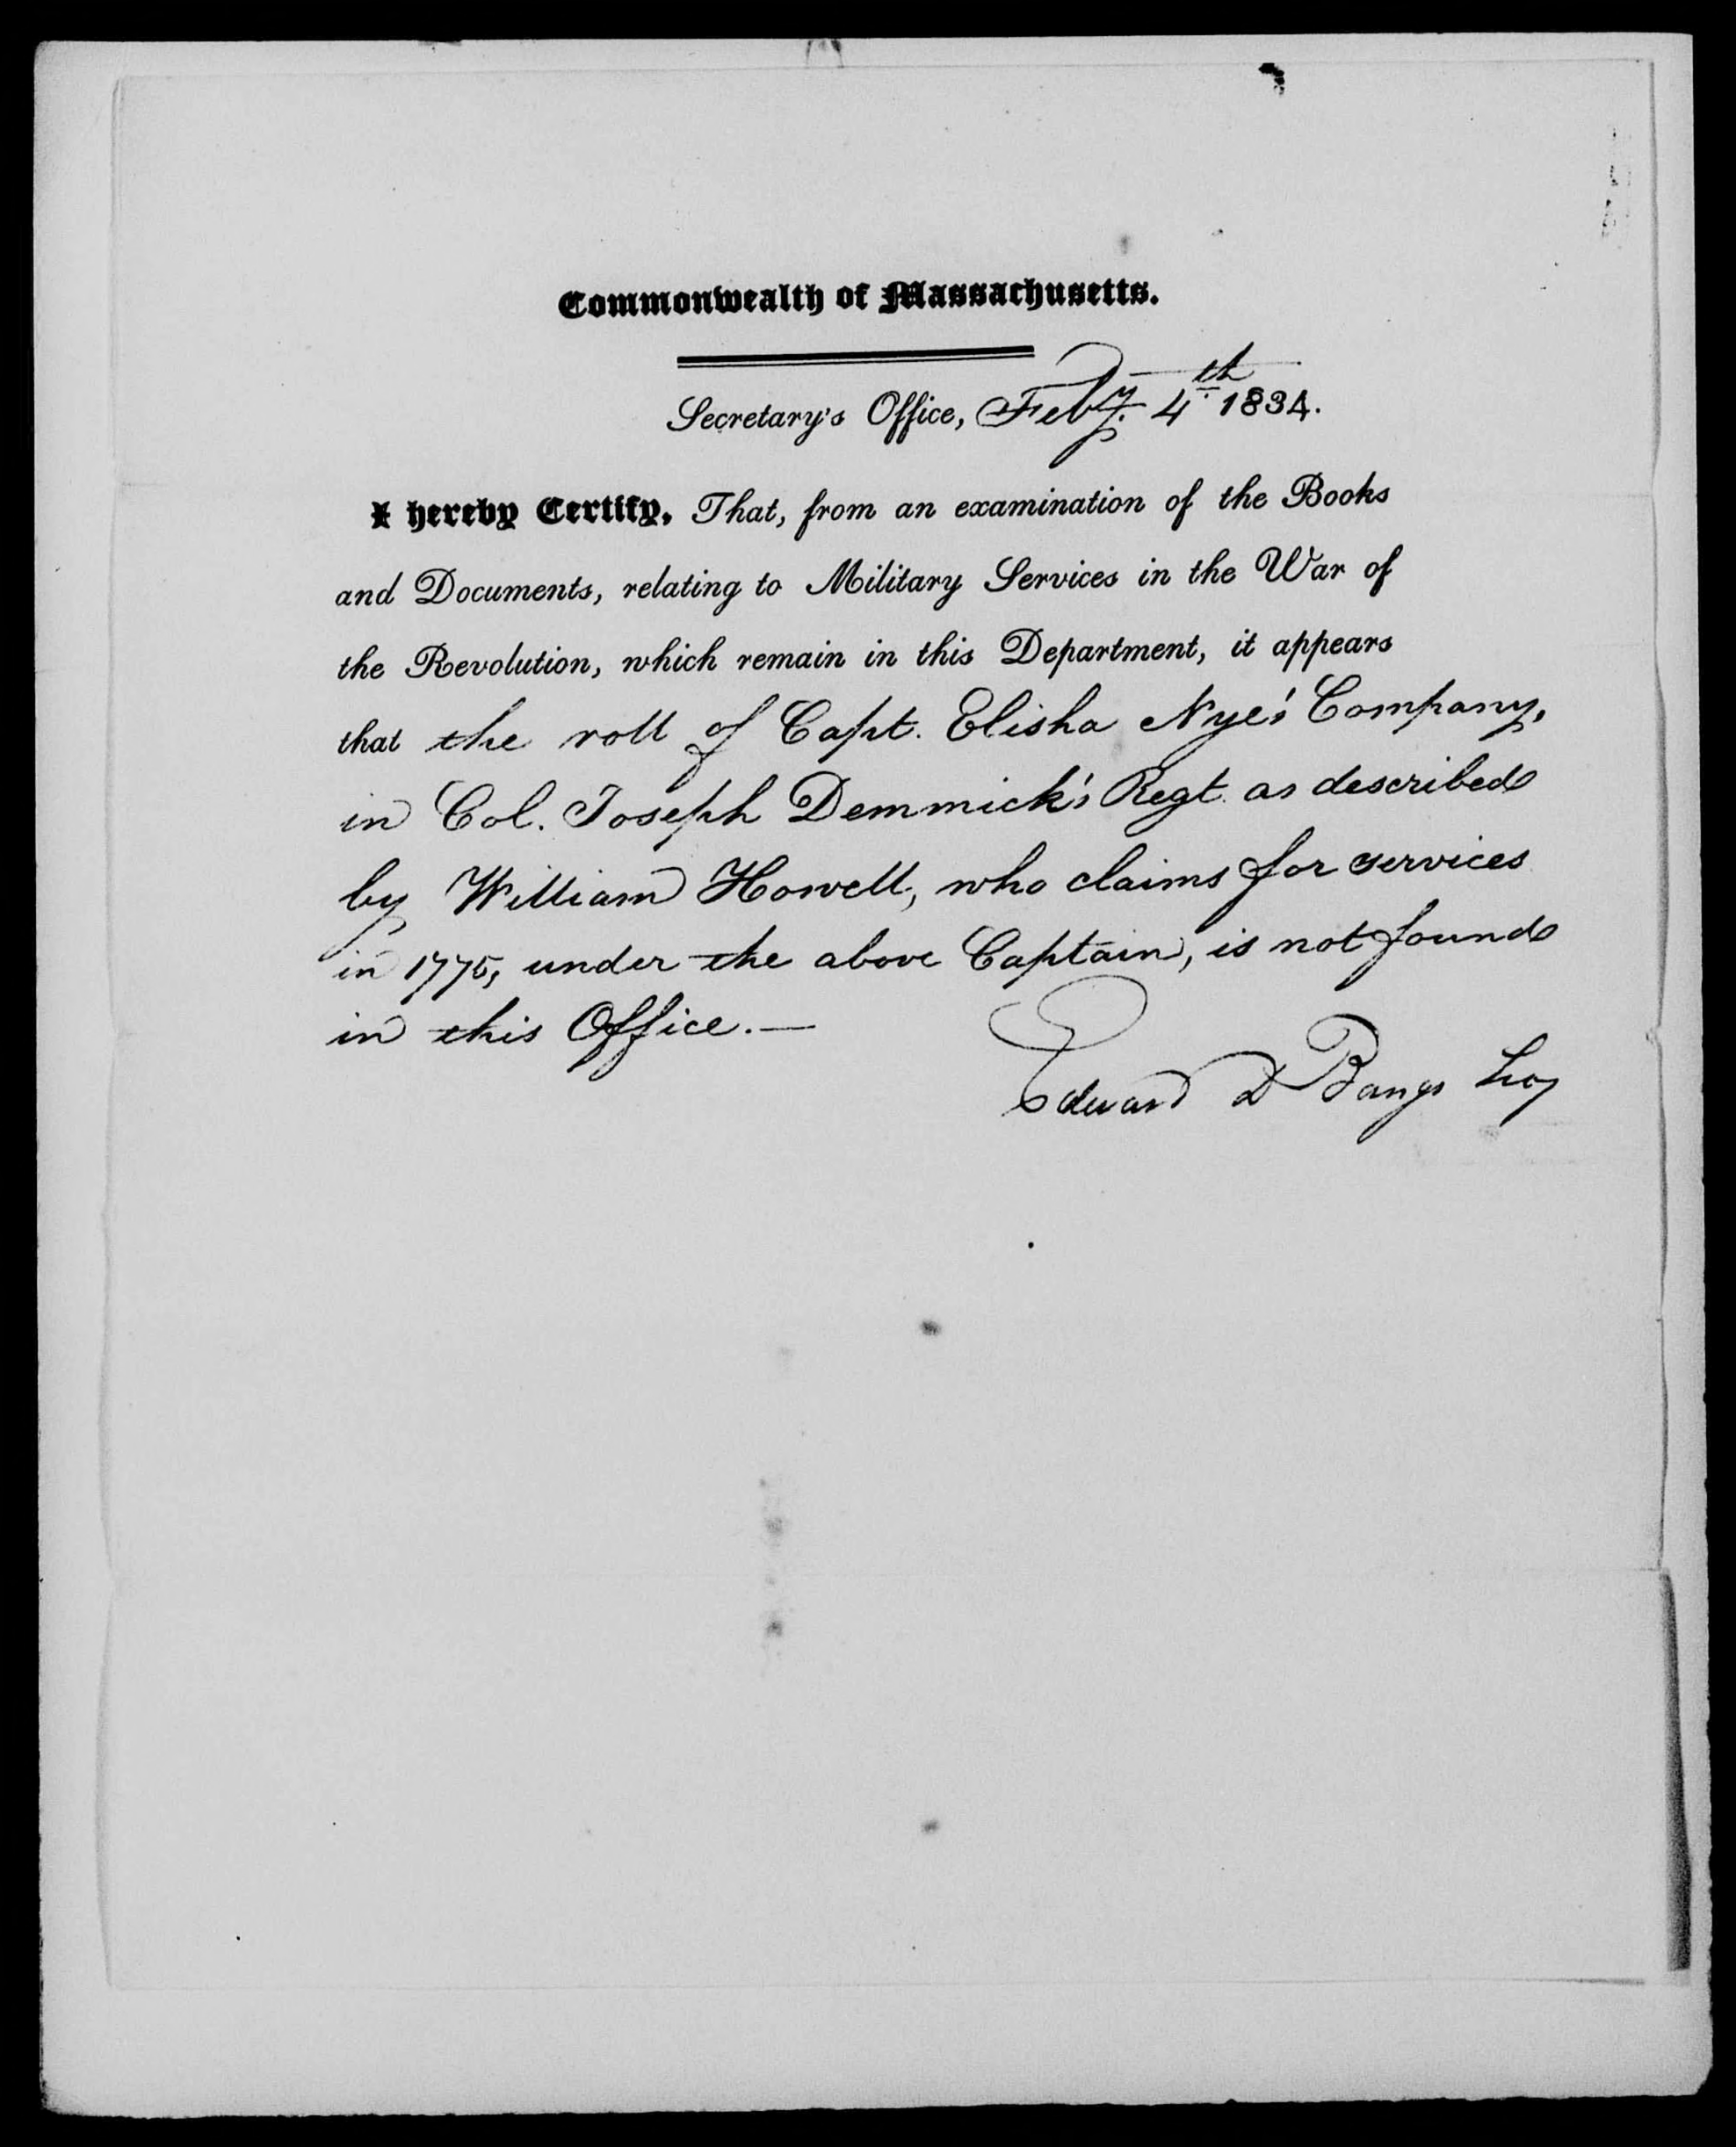Commonwealth of Massachusetts

Secretary's Office,  Feby. 4th 1834.

I hereby Certify, That, from an examination of the Books and Documents, relating to Military Services in the War of the Revolution, which remain in this Department, it appears that the roll of Capt. Elisha Nye's Company, in Col. Joseph Demmick's Regt as described by William Howell, who claims for services in 1775, under the above Captain, is not foun in this Office. - 

Signature of Edward D. Bangs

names: William Howell, Edward D Bangs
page: 14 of 18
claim: survivor's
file: S. 18,039, William Howell, Conn. Sea Service Mass. And Mass. Sea Service Privateer